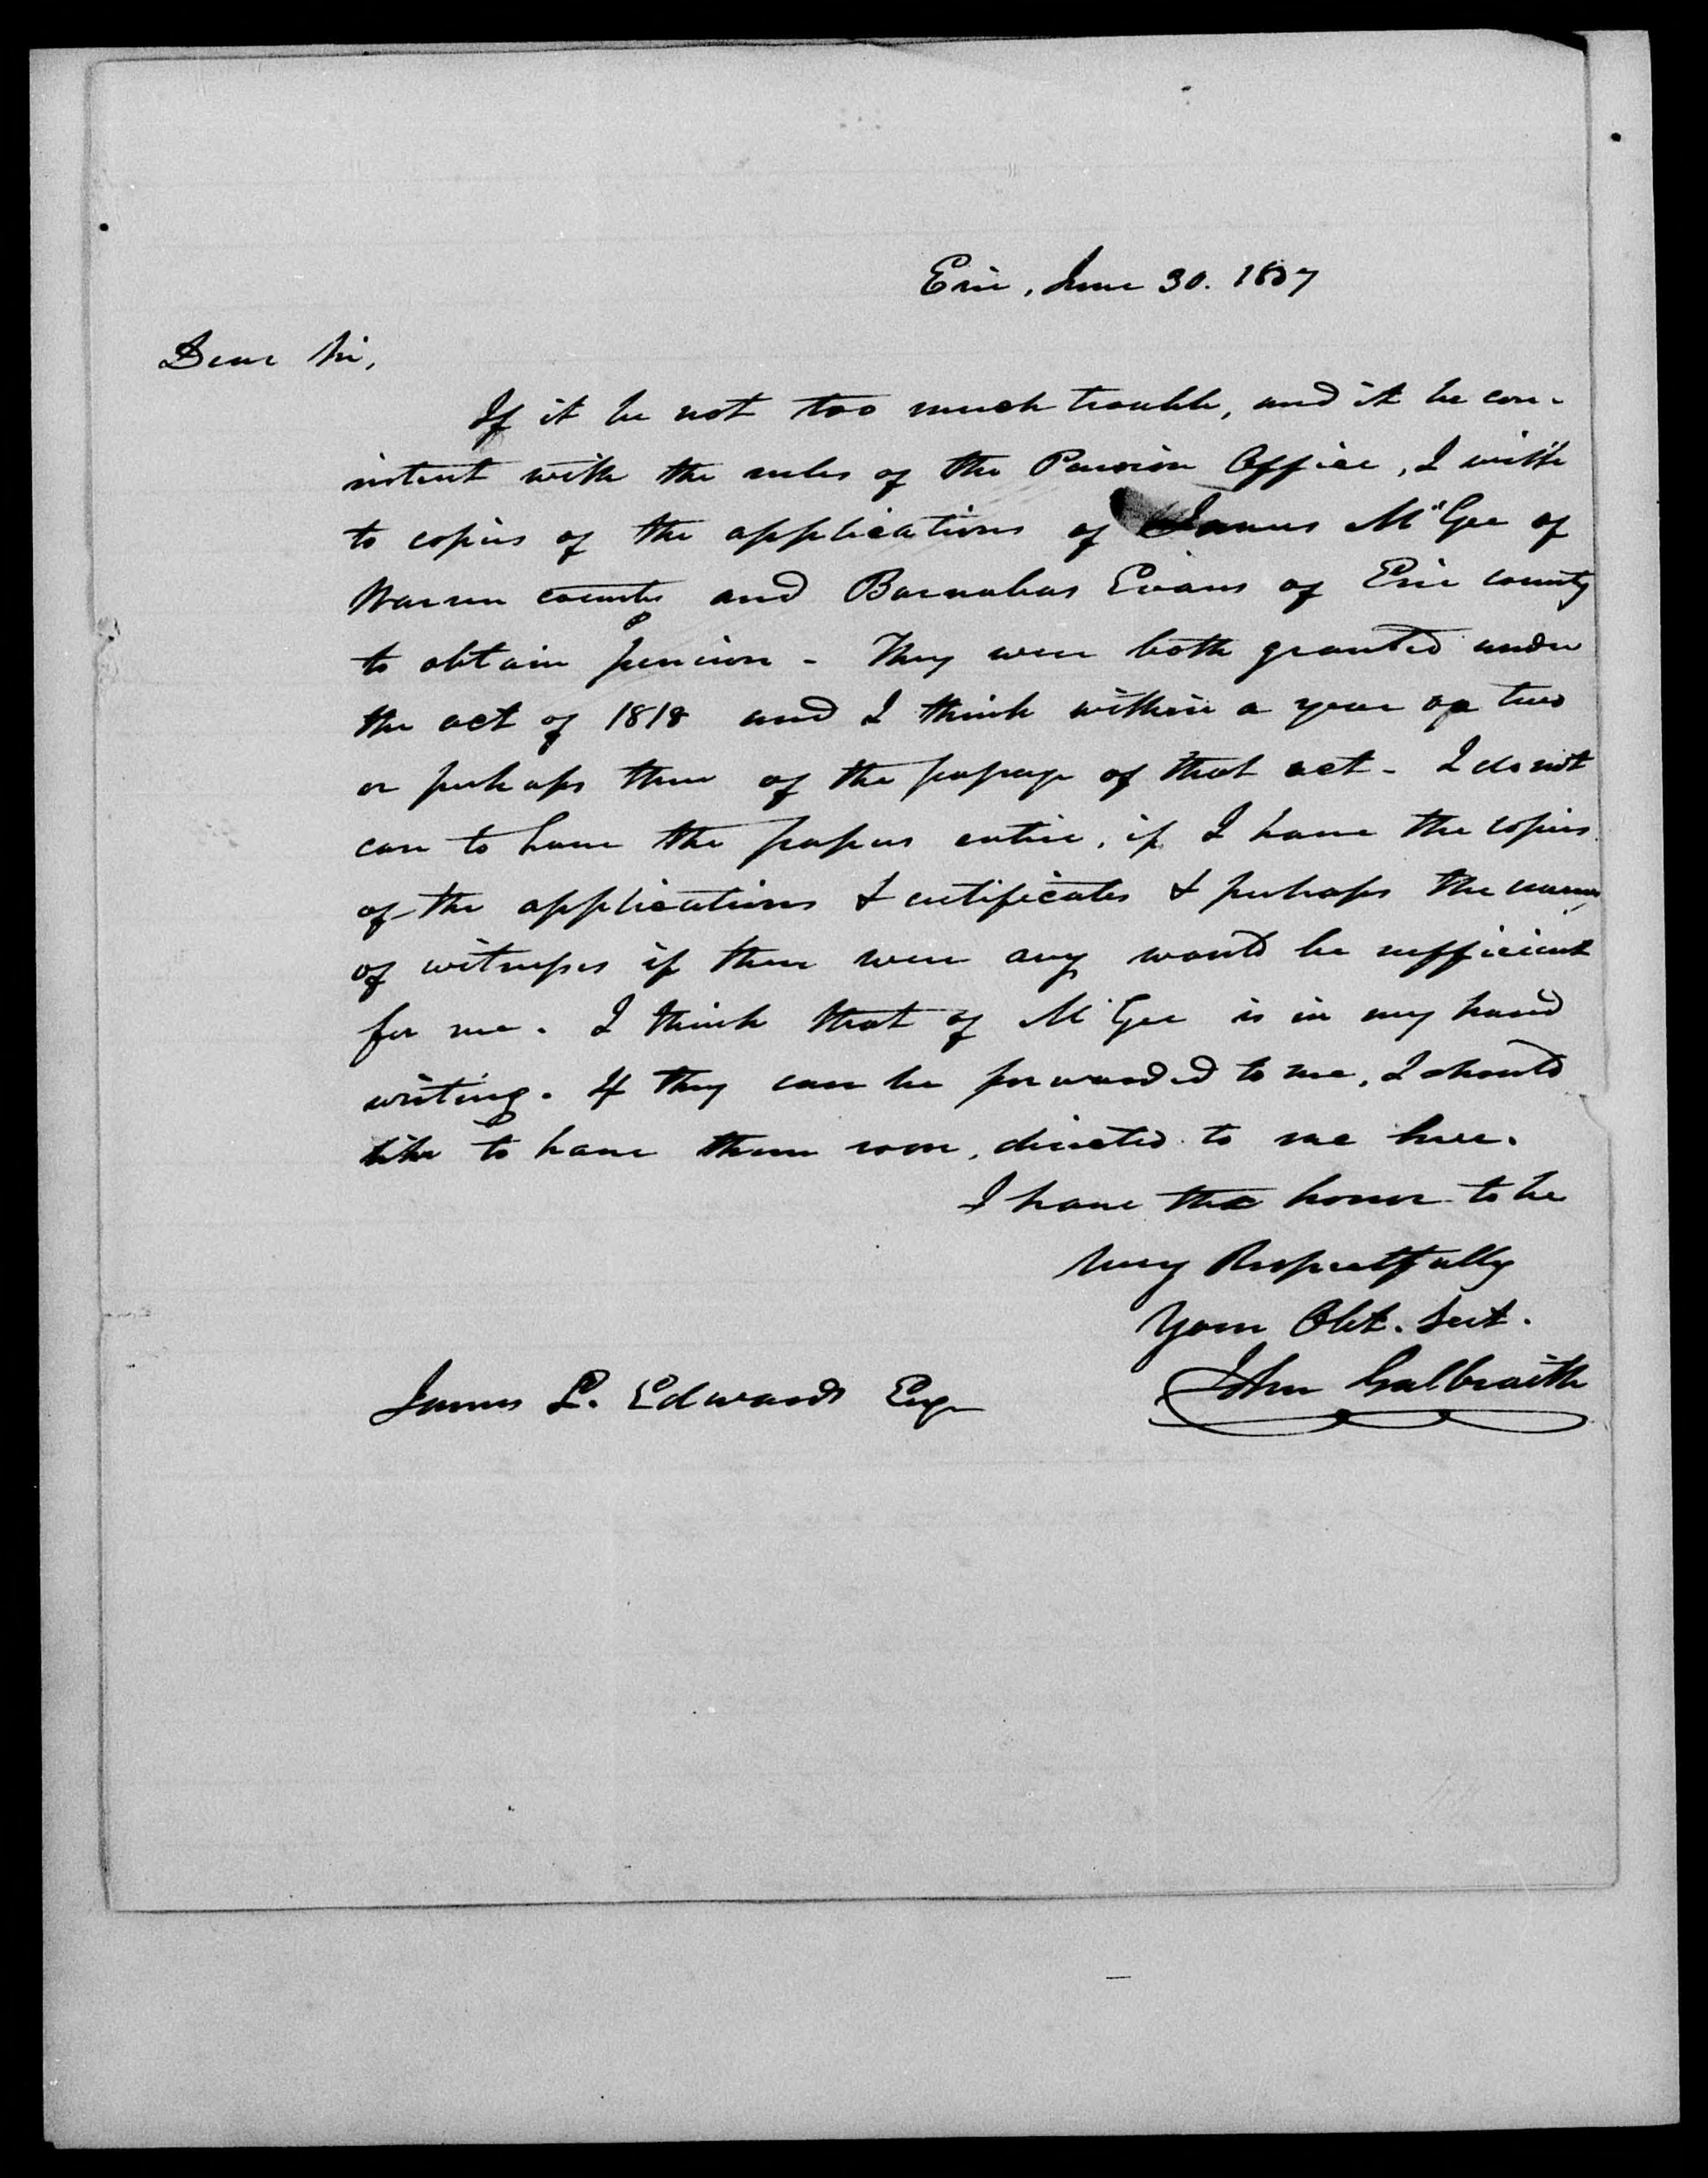Erie, June 30, 1837
Dear sir,
If it is not too much trouble, and it be consistent with the rules of the Pension Office, I wish
to copies of the application of James McGee of
Warren County and Barnabas Evans of Erie County to obtain pension. They were both granted under the act of 1818 and I think within a year or two or perhaps three of the passage of that act. I don't care to have the papers entire, if I have the copies of the applications & certificates & perhaps the [illegible] of witnesses if there were any would be sufficient for me. I think that of McGee is in my hand  writing. If they can be provided to me, I should like to have them soon directed to me here.
I have the honor to be
very Respectfully
Your Obt Sert
John Galbraith

James L. Edwards Esq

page: 21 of 77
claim: widow's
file: W 2954, for James Mc Gee, Delaware